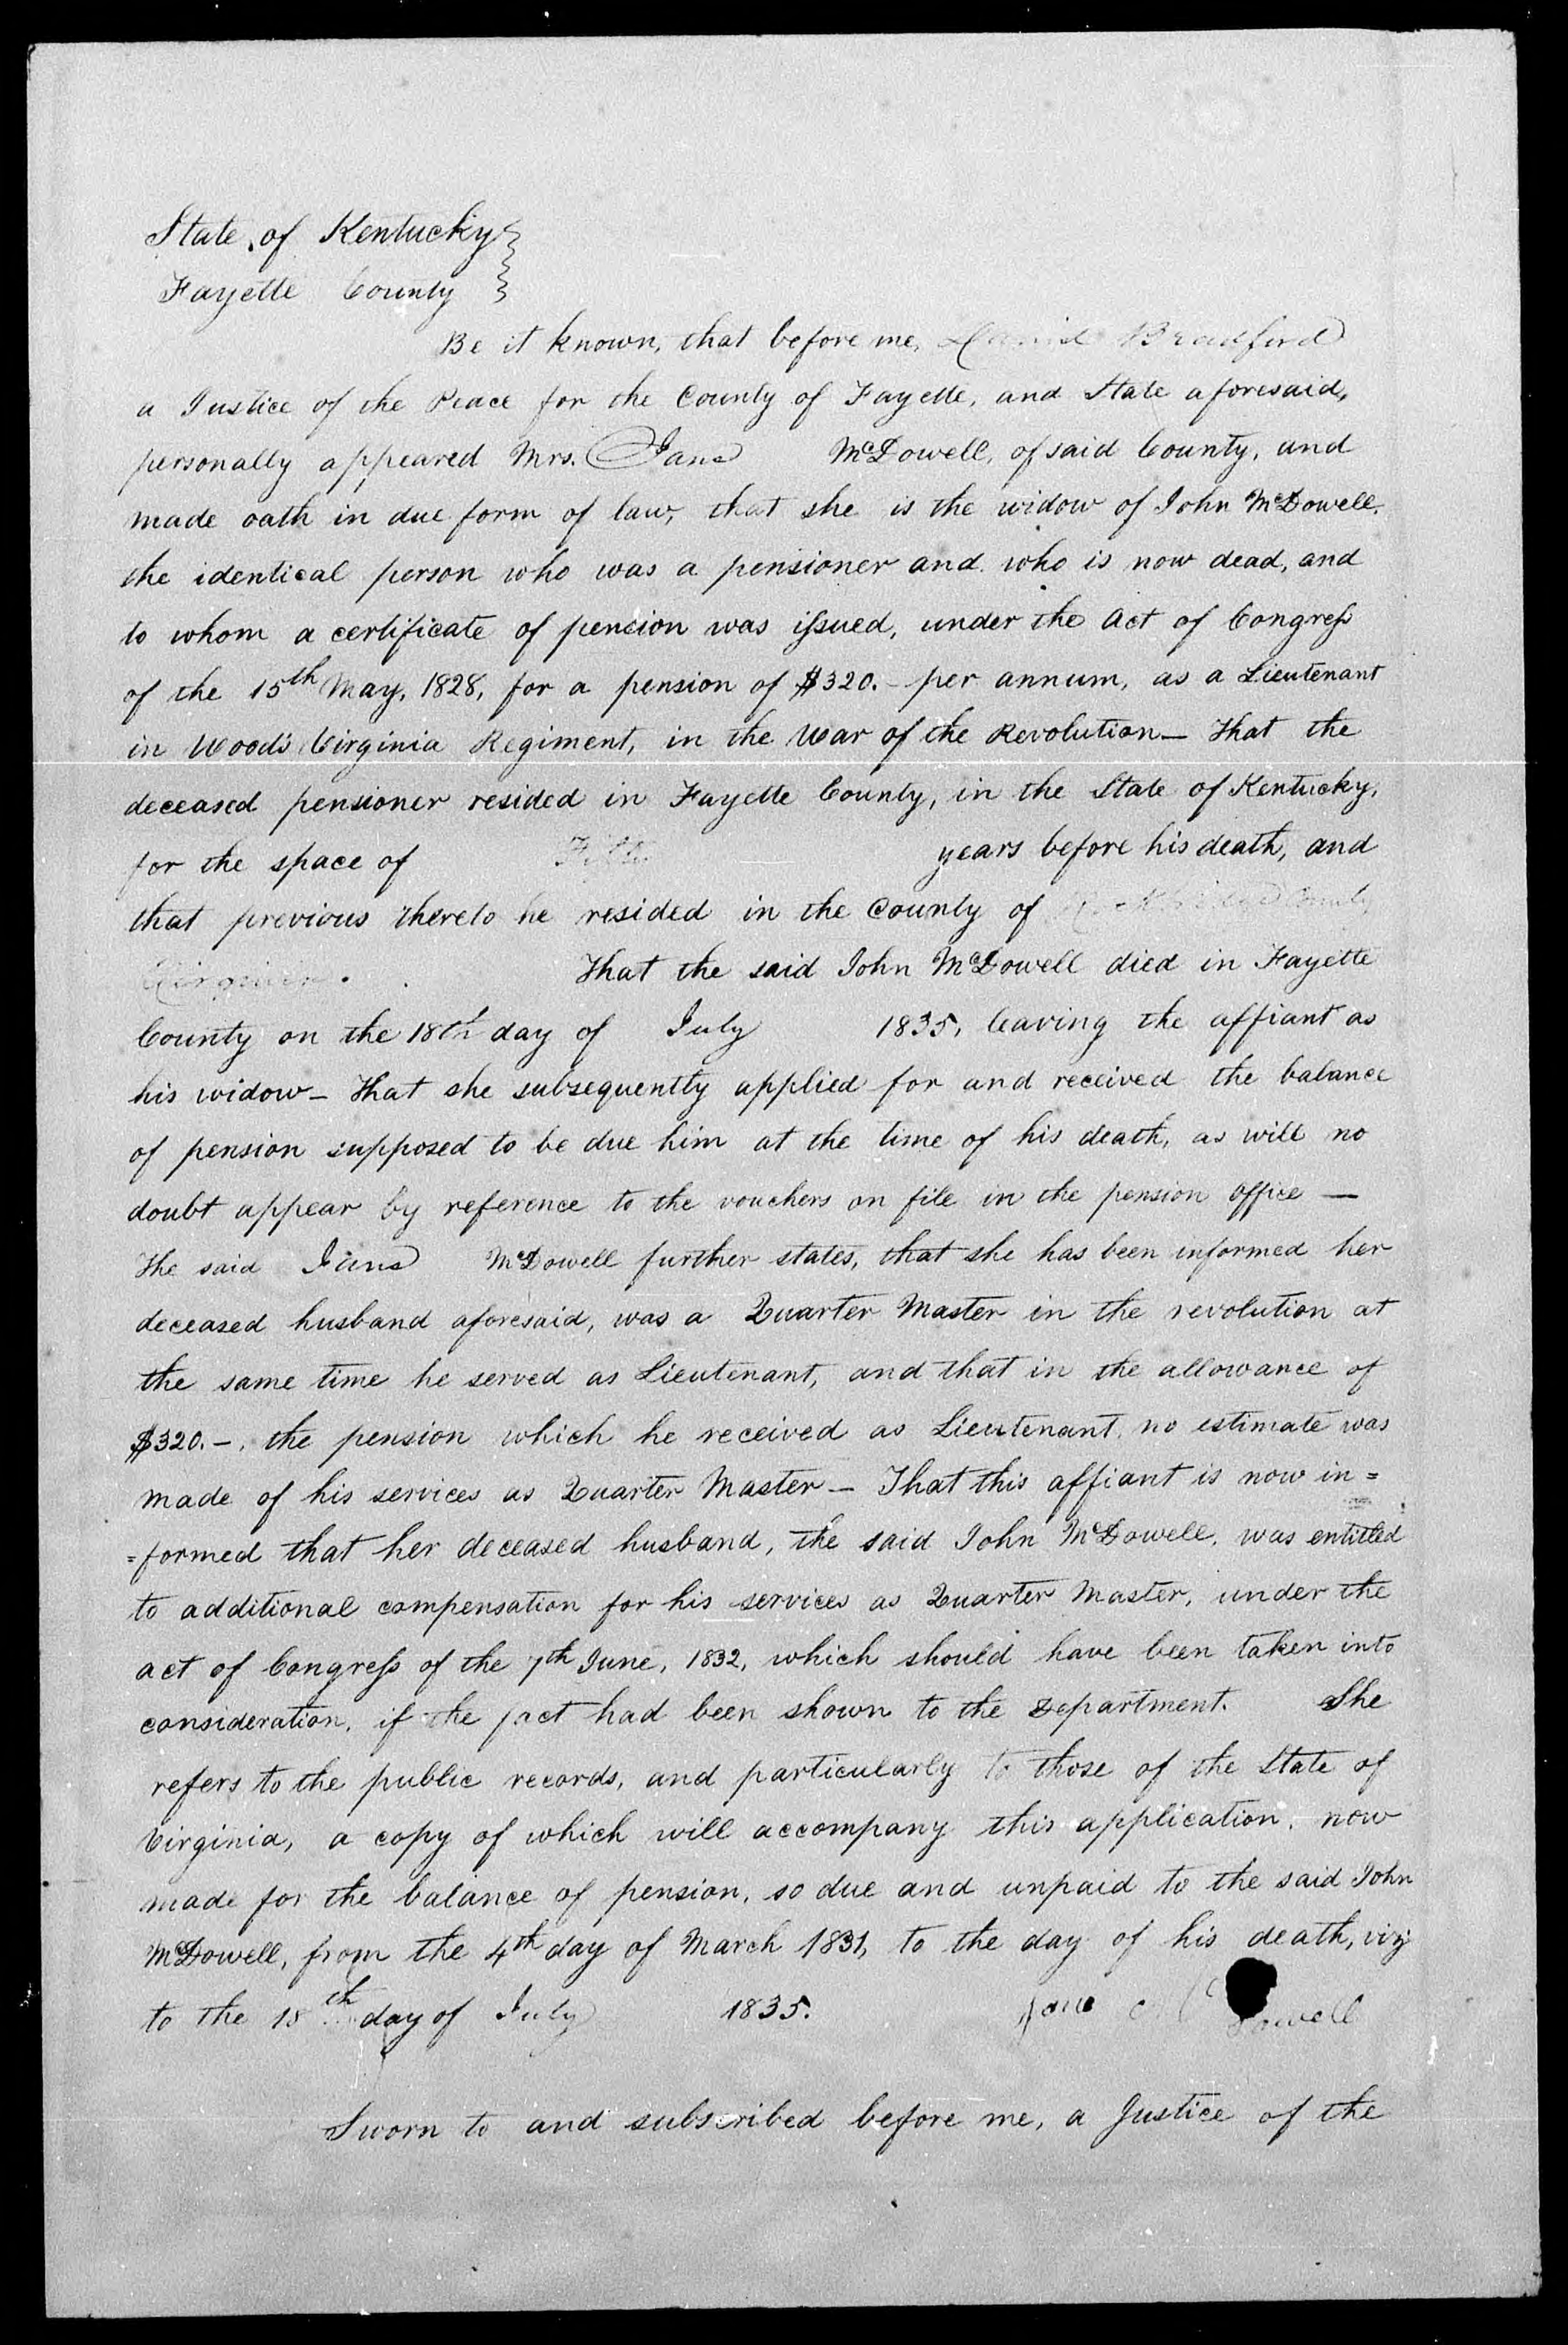State of Kentucky
Fayette County

Be it known that before me, David Bradford
a Justice of the Peace for the County of Fayette, and State aforesaid,
personally appeared Mrs. Jane McDowell of said County, and
made oath in due form of law, that she is the widow of John McDowell
the identical person who was a pensioner and who is now dead, and
to whom a certificate of pension was issued, under the act of Congress
of the 15th May, 1828, for a pension of $320. per annum as a Lieutenant
in Wood's Virginia Regiment, in the War of the Revolution that the
deceased pensioner resided in Fayette County, in the State of Kentucky,
for the space of _________________________years before his death, and
that previous thereto he resided in the county of ______________----
________________---that the said John McDowell died in Fayette County
on the 18th day of July 1835,  leaving the affiant as his widow==
that she subsequently applied for and received the balance of
pension supposed to be due him at the time of his death, as will no
doubt appear by reference to the vouchers on file in the pension office
the said Jane McDowell further states, that she has been informed her
deceased husband aforesaid, was a Quarter Master in the revolution at
the same time he served a Lieutenant, and that in the allowance of $320- the pension which he received as Lieutenant, no estimate was
made of his services as Quarter Master. That this affiant is now in-
formed that her deceased husband, the said John McDowell was entitled
to additional compensation for his service as Quarter Master, under the
act of Congress of the 7th June, 1832, which should have been taken into consideration, if the fact had been shown to the Department. She
refers to the public records, and particularly to those of the State of
Virginia, a copy of which will accompany this application now made
for the balance of pension so due and unpaid to the said John McDowell
from the 4th day of Marh 1831, to the day of his death, [illegible]
to the 18th day of July 1835.            (signature of Jane McDowell)

Sworn to and subscribed before me, a Justice of the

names: John Mc Dowell; Daniel Bradford; Jane Mc Dowell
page: 5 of 47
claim: survivor's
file: S. 30578, for John Mc Dowell, Virginia